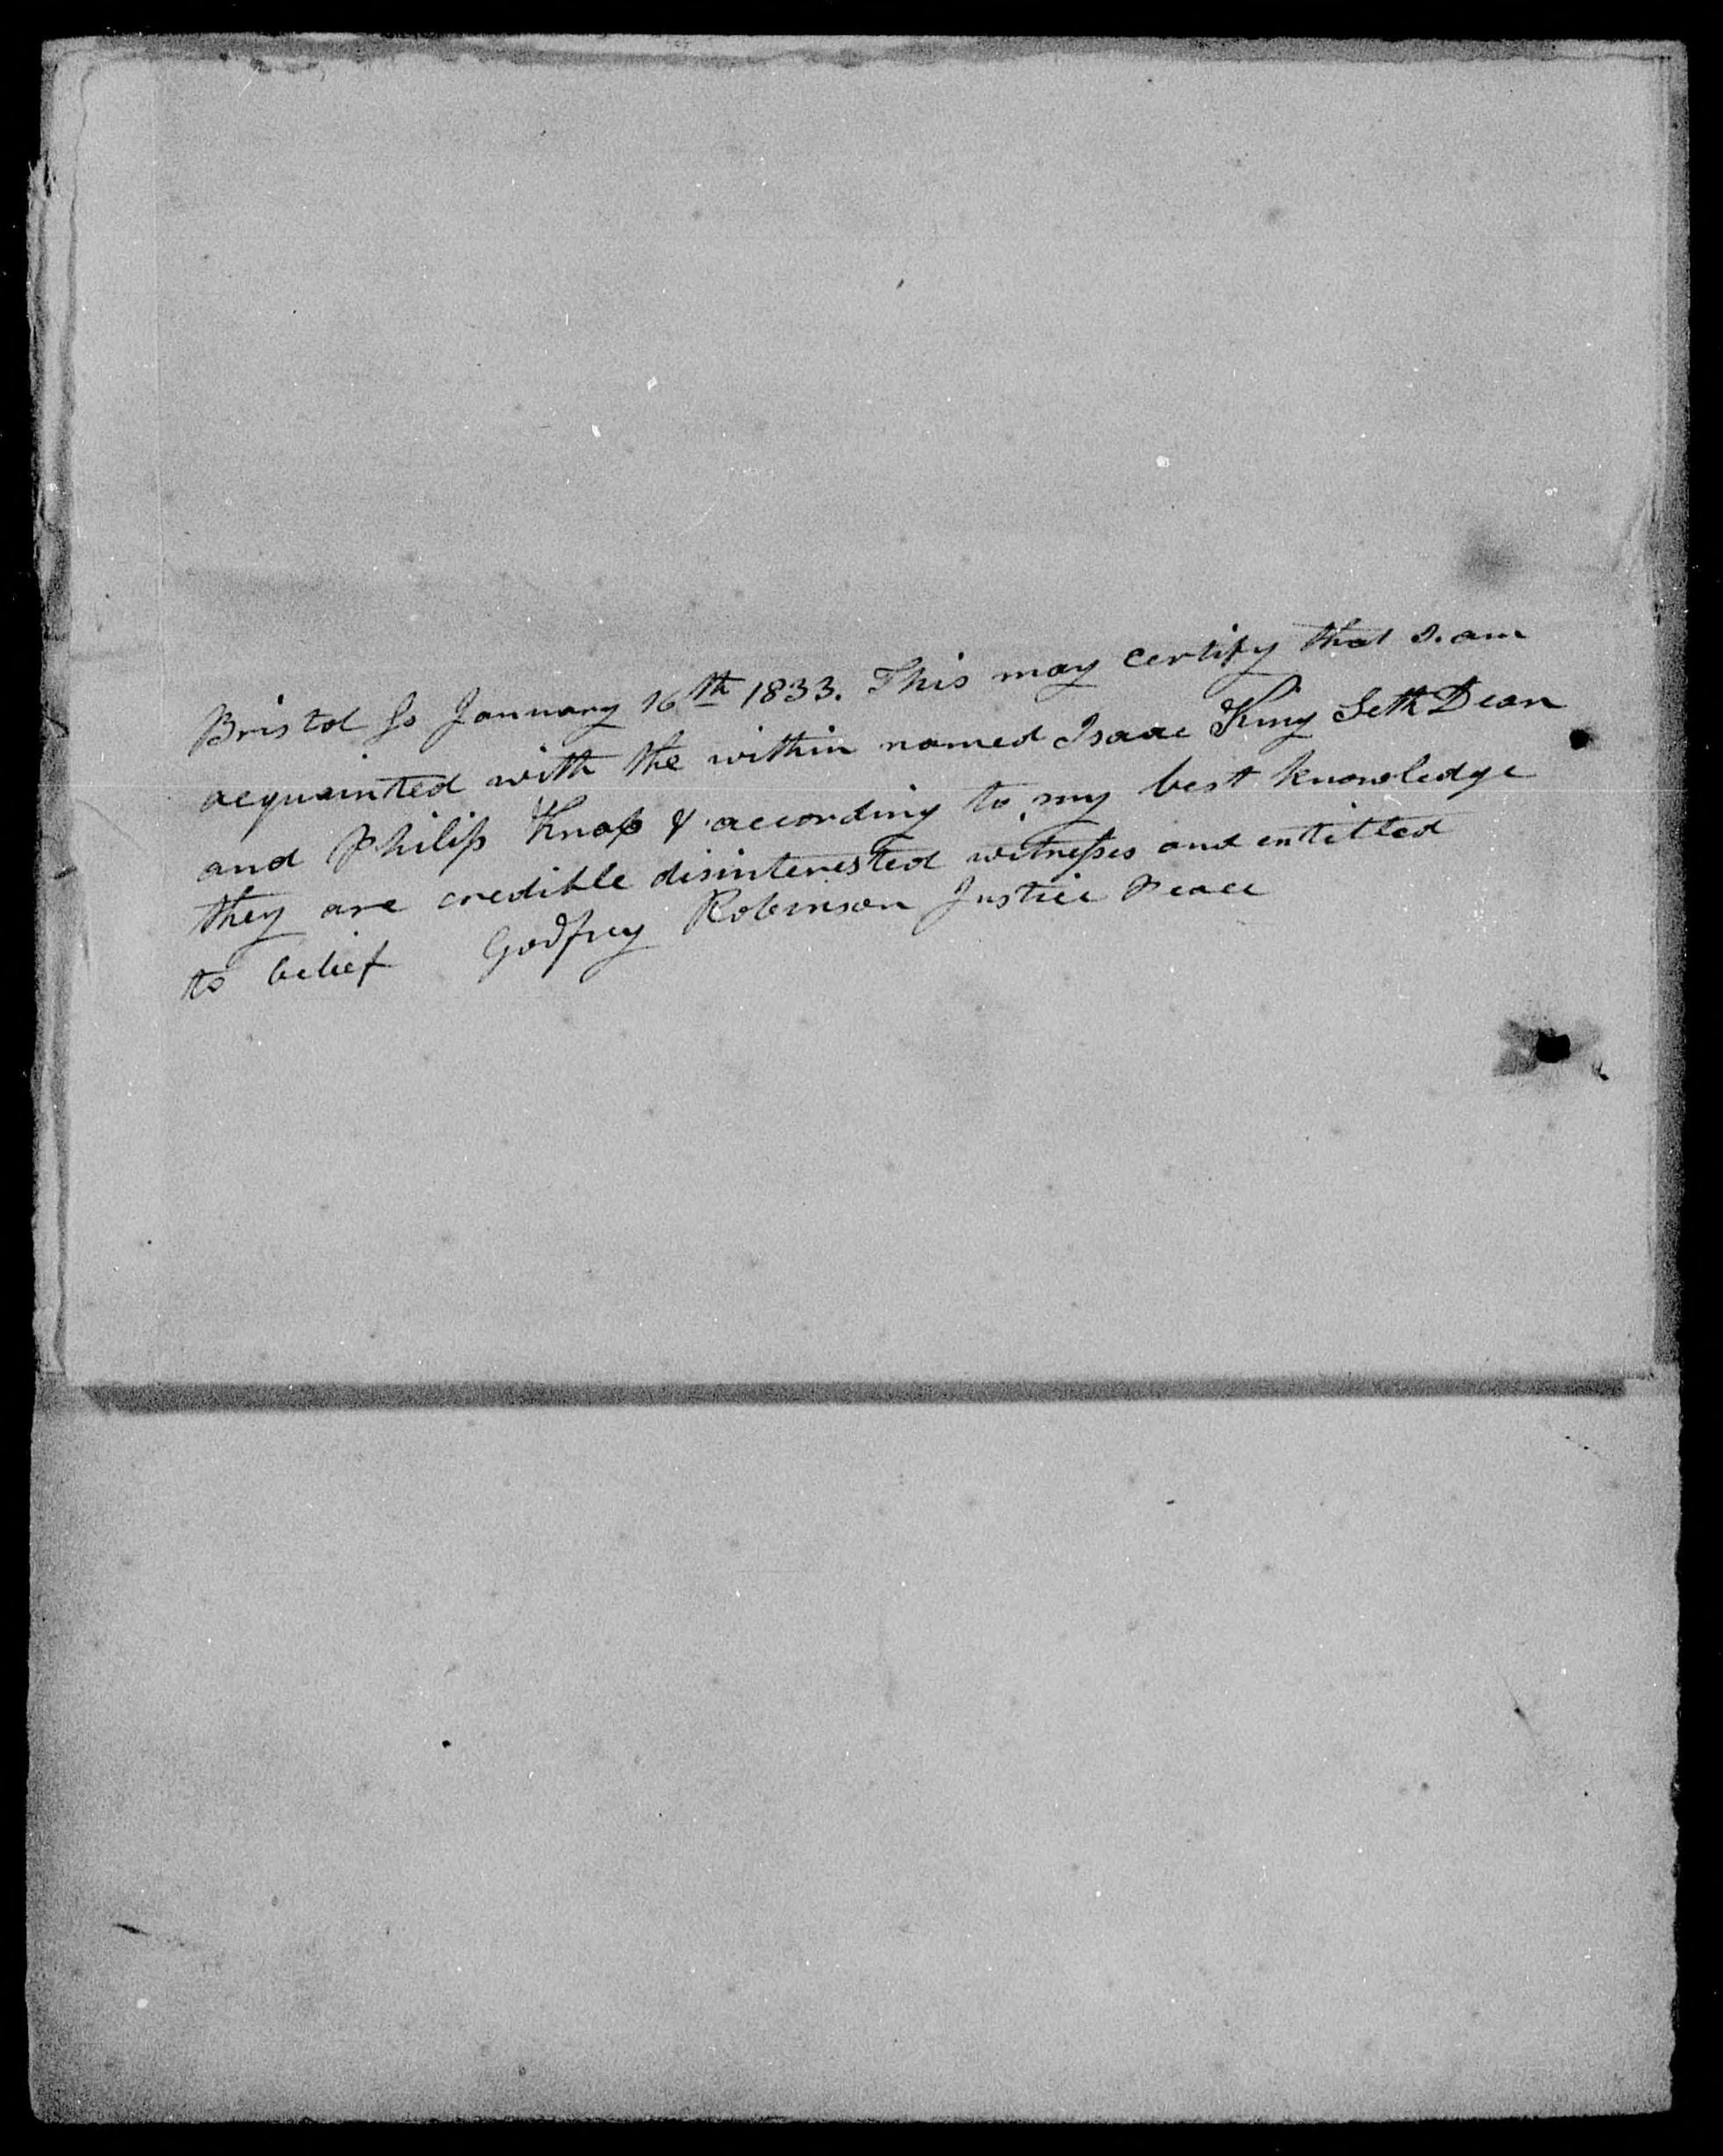Bristol ss.
 January 16th 1833. 

This may certify that I am acquainted with the within named Isaac King Seth Dean and Philip Knop & according to my best knowledge
they are credible disinterested witnesses and entitled to belief

Signature of Godfrey Robinson Justice Peace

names: Godfrey Robinson, Isaac King, Philip Knap, Seth Dean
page: 31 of 36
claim: widow's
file: W. 8838, Elijah Gushee, Mass.